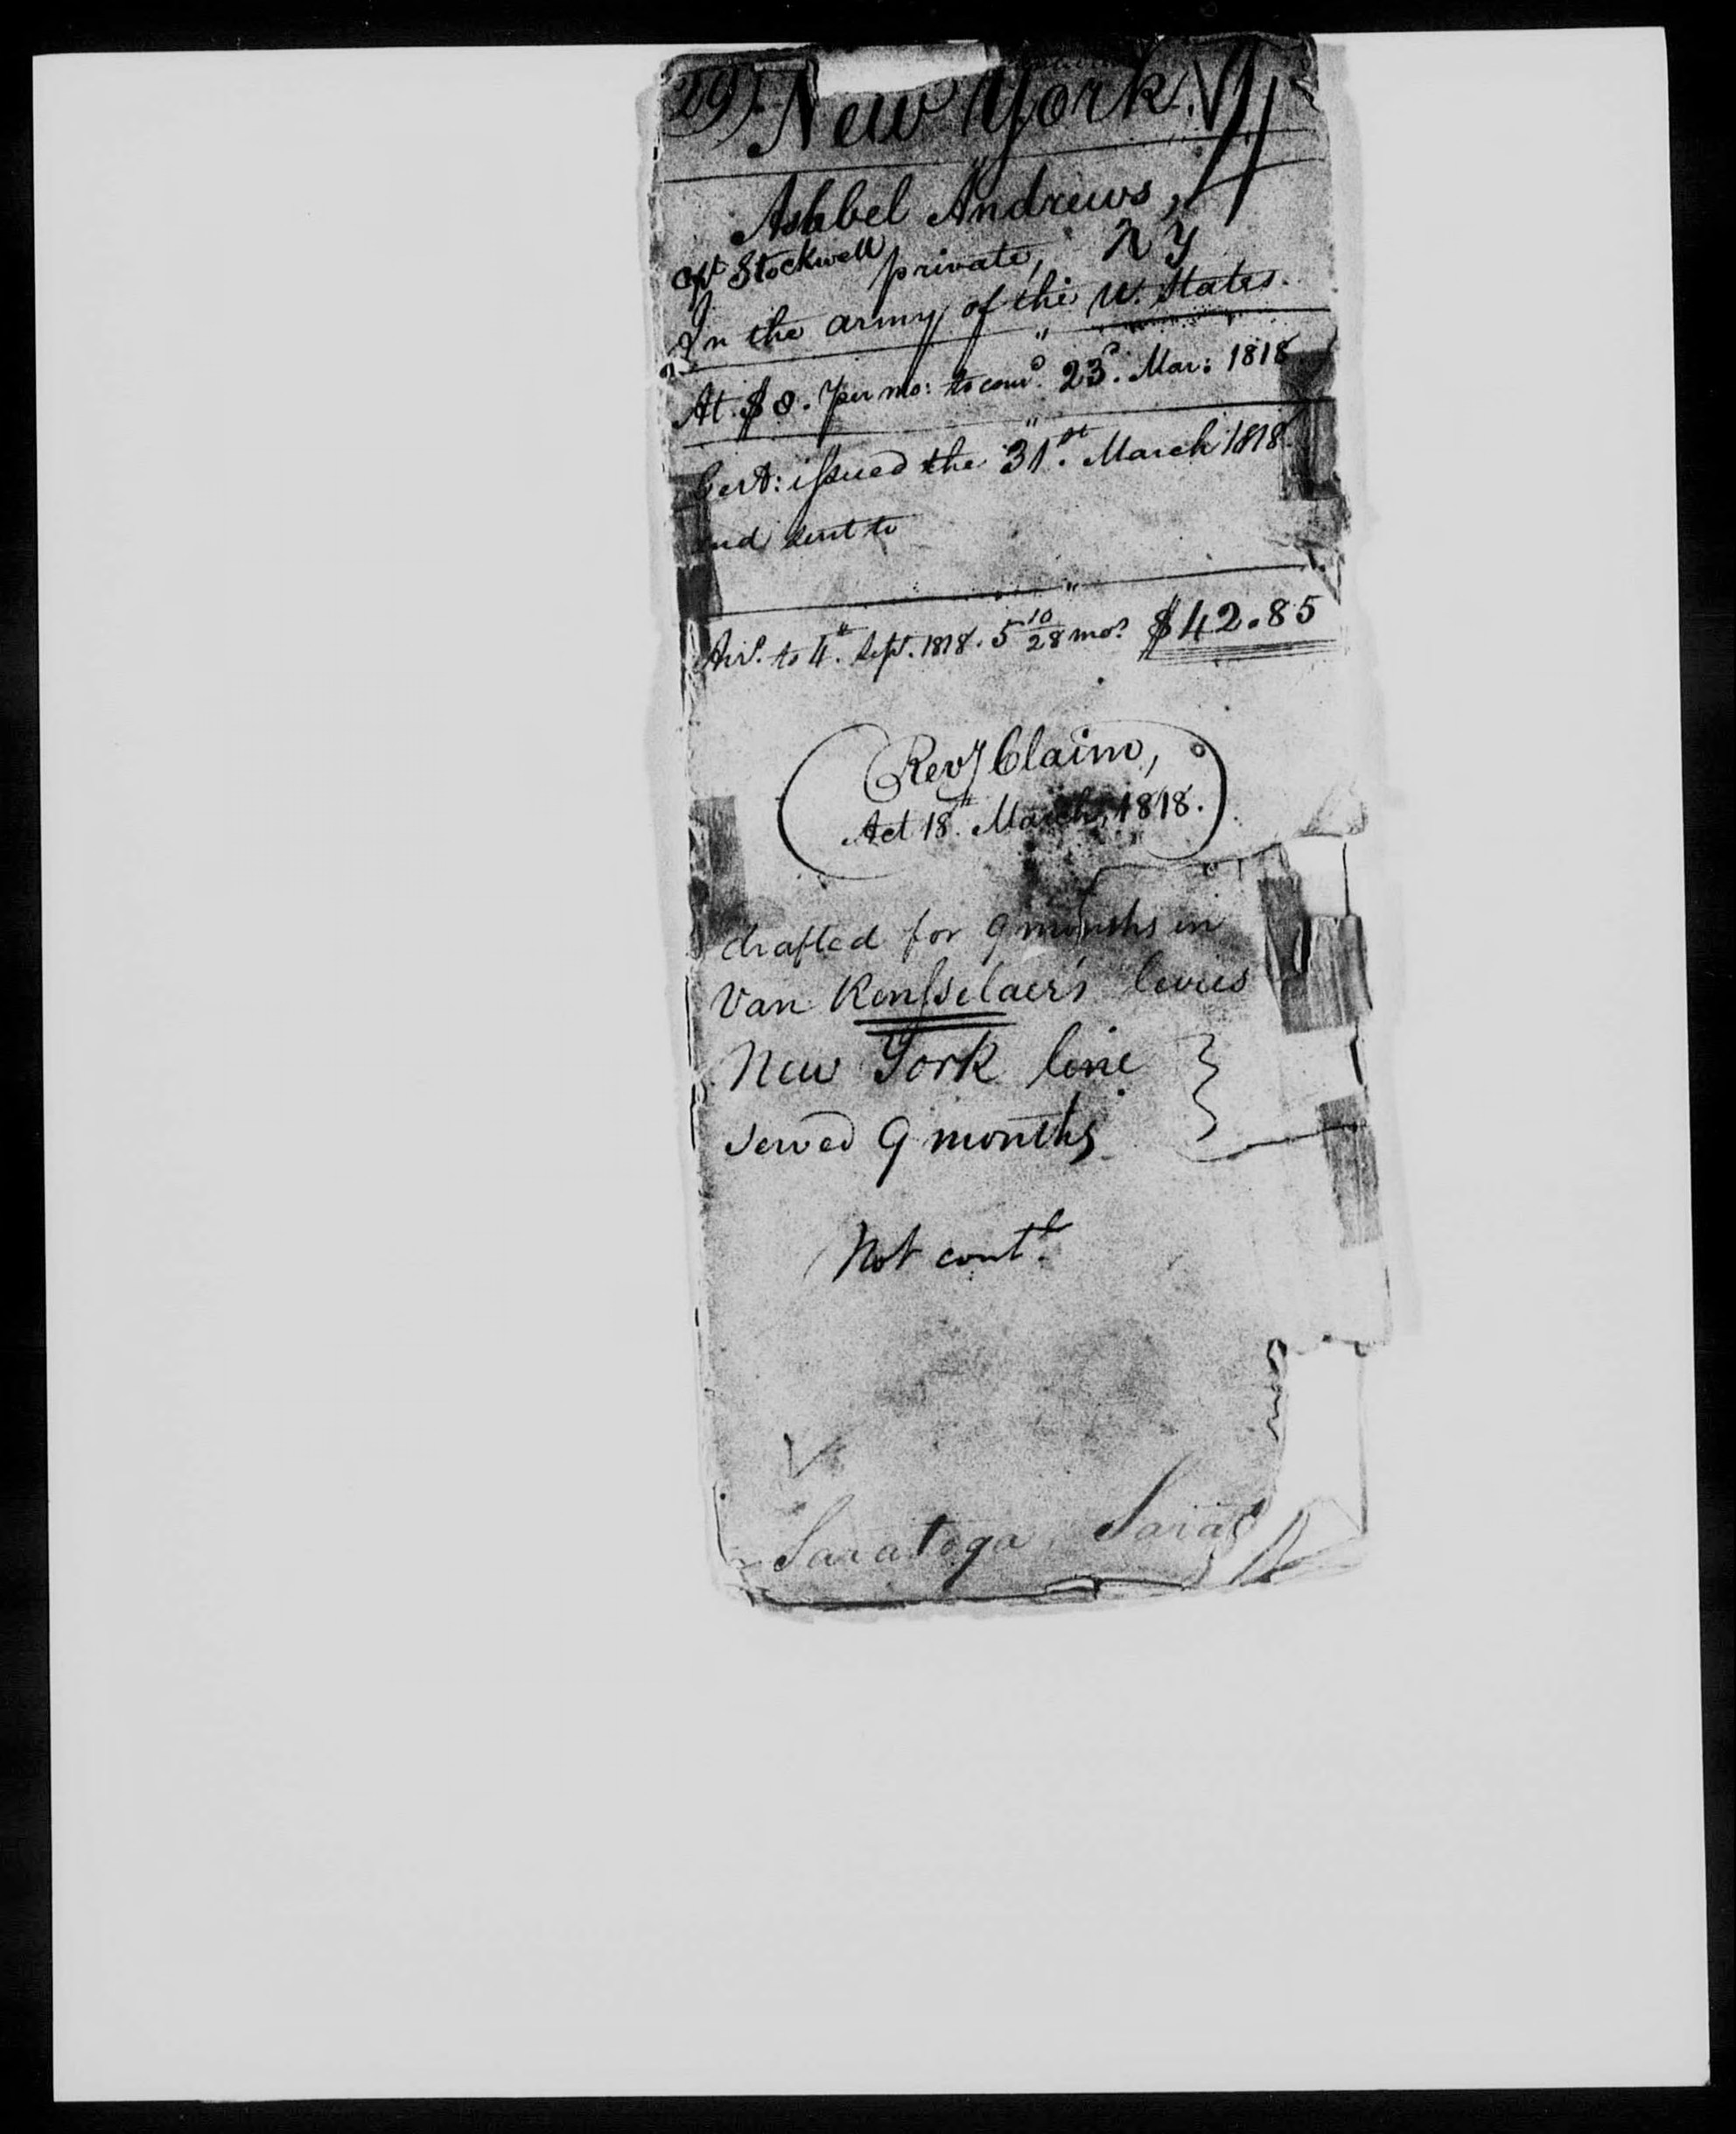New York
Ashbel Andrews

of Stockwell NY private,
in the army of the U. States.
-
At $0 per mo:  to come 23 Mar. 1818
Cert: issued the 31st March 1818
and sent to
-
---
Air. to 4 Sept. 1818. 5 10/28 mo? $42.85

Revd Claim,
Act 18th March 1818.
drafted for 9 months in
Van Rensselaer levies
New York line
Served 9 months
Not cont
Saratoga
Sarah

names: Ashbel Andrews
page: 2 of 8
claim: survivor's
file: S 45217, Ashbel Andrews, New York